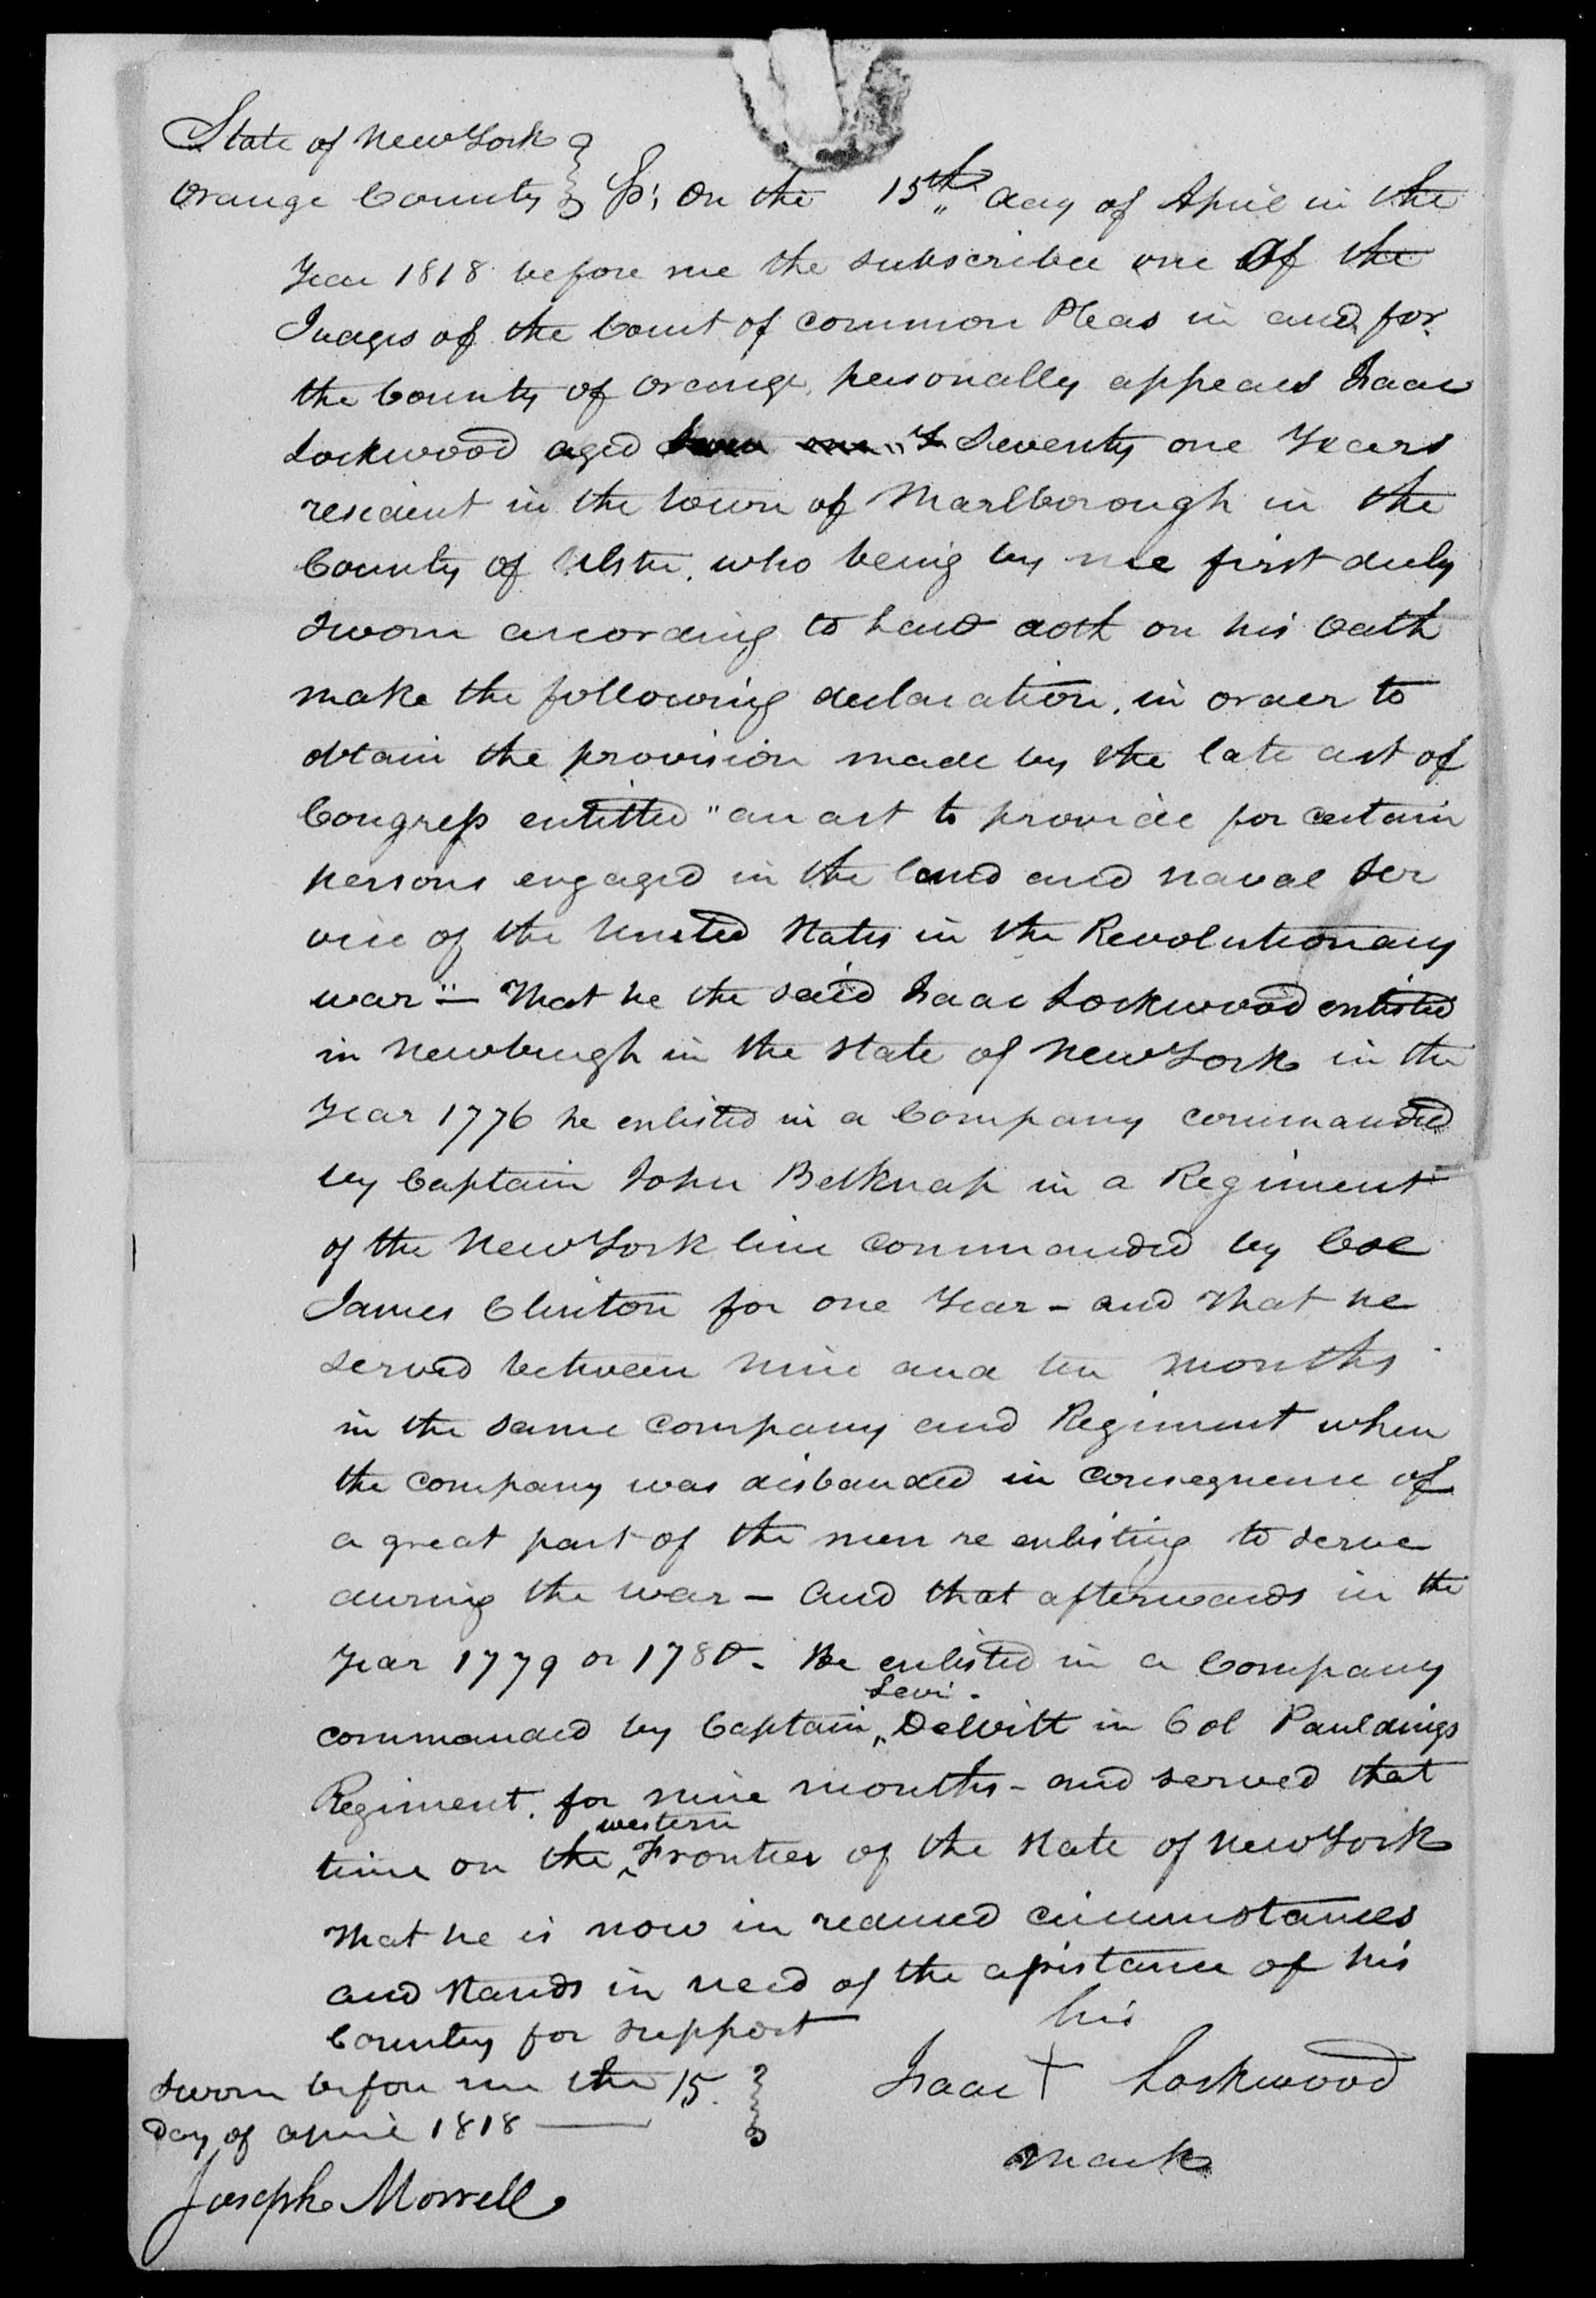State of New York}
Orange County} Ss: On the 15th day of April in the year 1818 before me the subscribed one of the Judges of the Court of Common Pleas in and for the County of Orange personally appeared Isaac Lockwood aged seventy one years resident in the town of Marlborough in the County of Ulster, who being by me first duly sworn according to Law doth on this oath make the following declaration, in order to obtain the provision made by the late act of Congress entitled "an act to provide for certain persons engaged in the land and naval service of the United States in the Revolutionary war" -- That he the said Isaac Lockwood enlisted in Newburgh in the state of New York in the year 1776 he enlisted in a company commanded by Captain John Belknap in a Regiment of the New York line commanded by Col James Clinton for one year - and that he served between nine and ten months in the same company and Regiment when the company was disbanded in consequence of a great part of the men re enlisting to serve during the war - and that afterwards in the year 1779 or 1780. He enlisted in a company commanded by Captain Levi DeWitt in Col Pauldings Regiment for nine months - and served that time on the western Frontier of the State of New York that he is now in reduced circumstances and stands in need of the assistance of his Country for support

[signature, his mark] Isaac X Lockwood his mark

Sworn before me the 15}
day of April 1818---}

Joseph Morrell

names: Levi Dewitt; Isaac Lockwood; Joseph Morrell; John Belknap; James Clinton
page: 7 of 23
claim: survivor's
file: S 42891, for Isaac Lockwood, New York